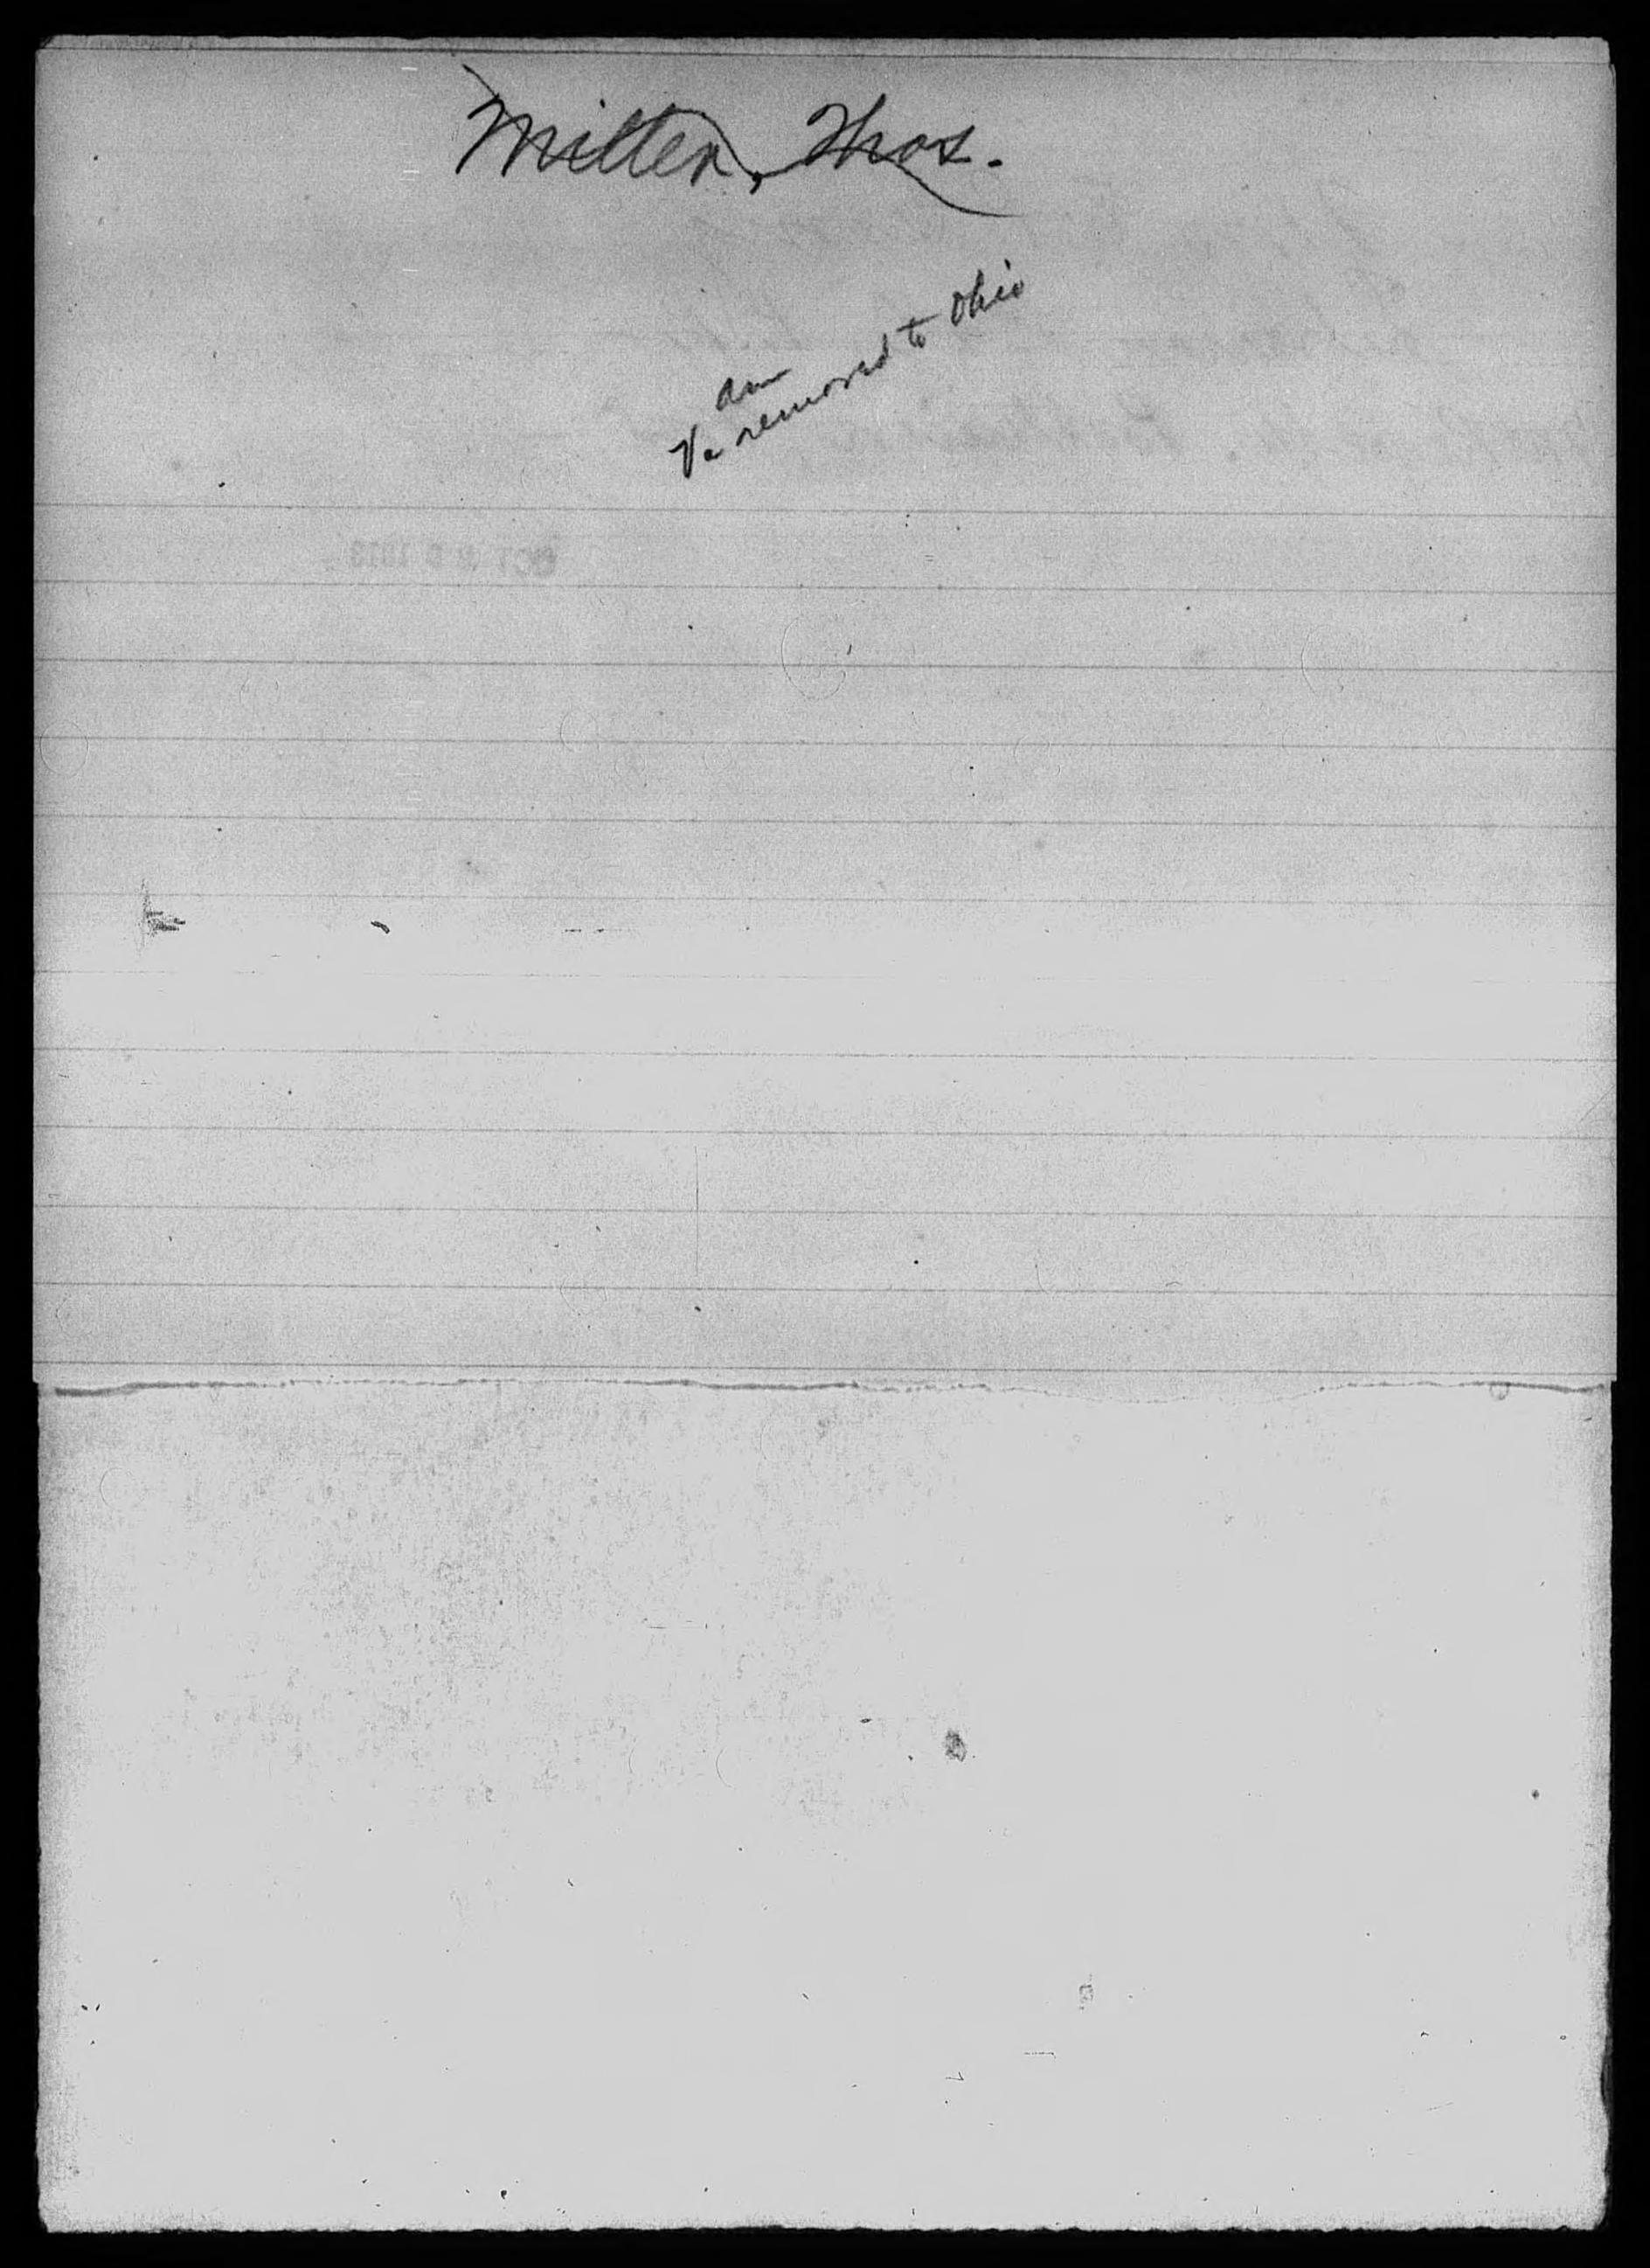[handwritten]

[struck through] Miller, Thos.

Am
Va removed to Ohio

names: Thos Miller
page: 8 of 15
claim: survivor's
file: S. 39677, John Hening, Continental (Penn.)